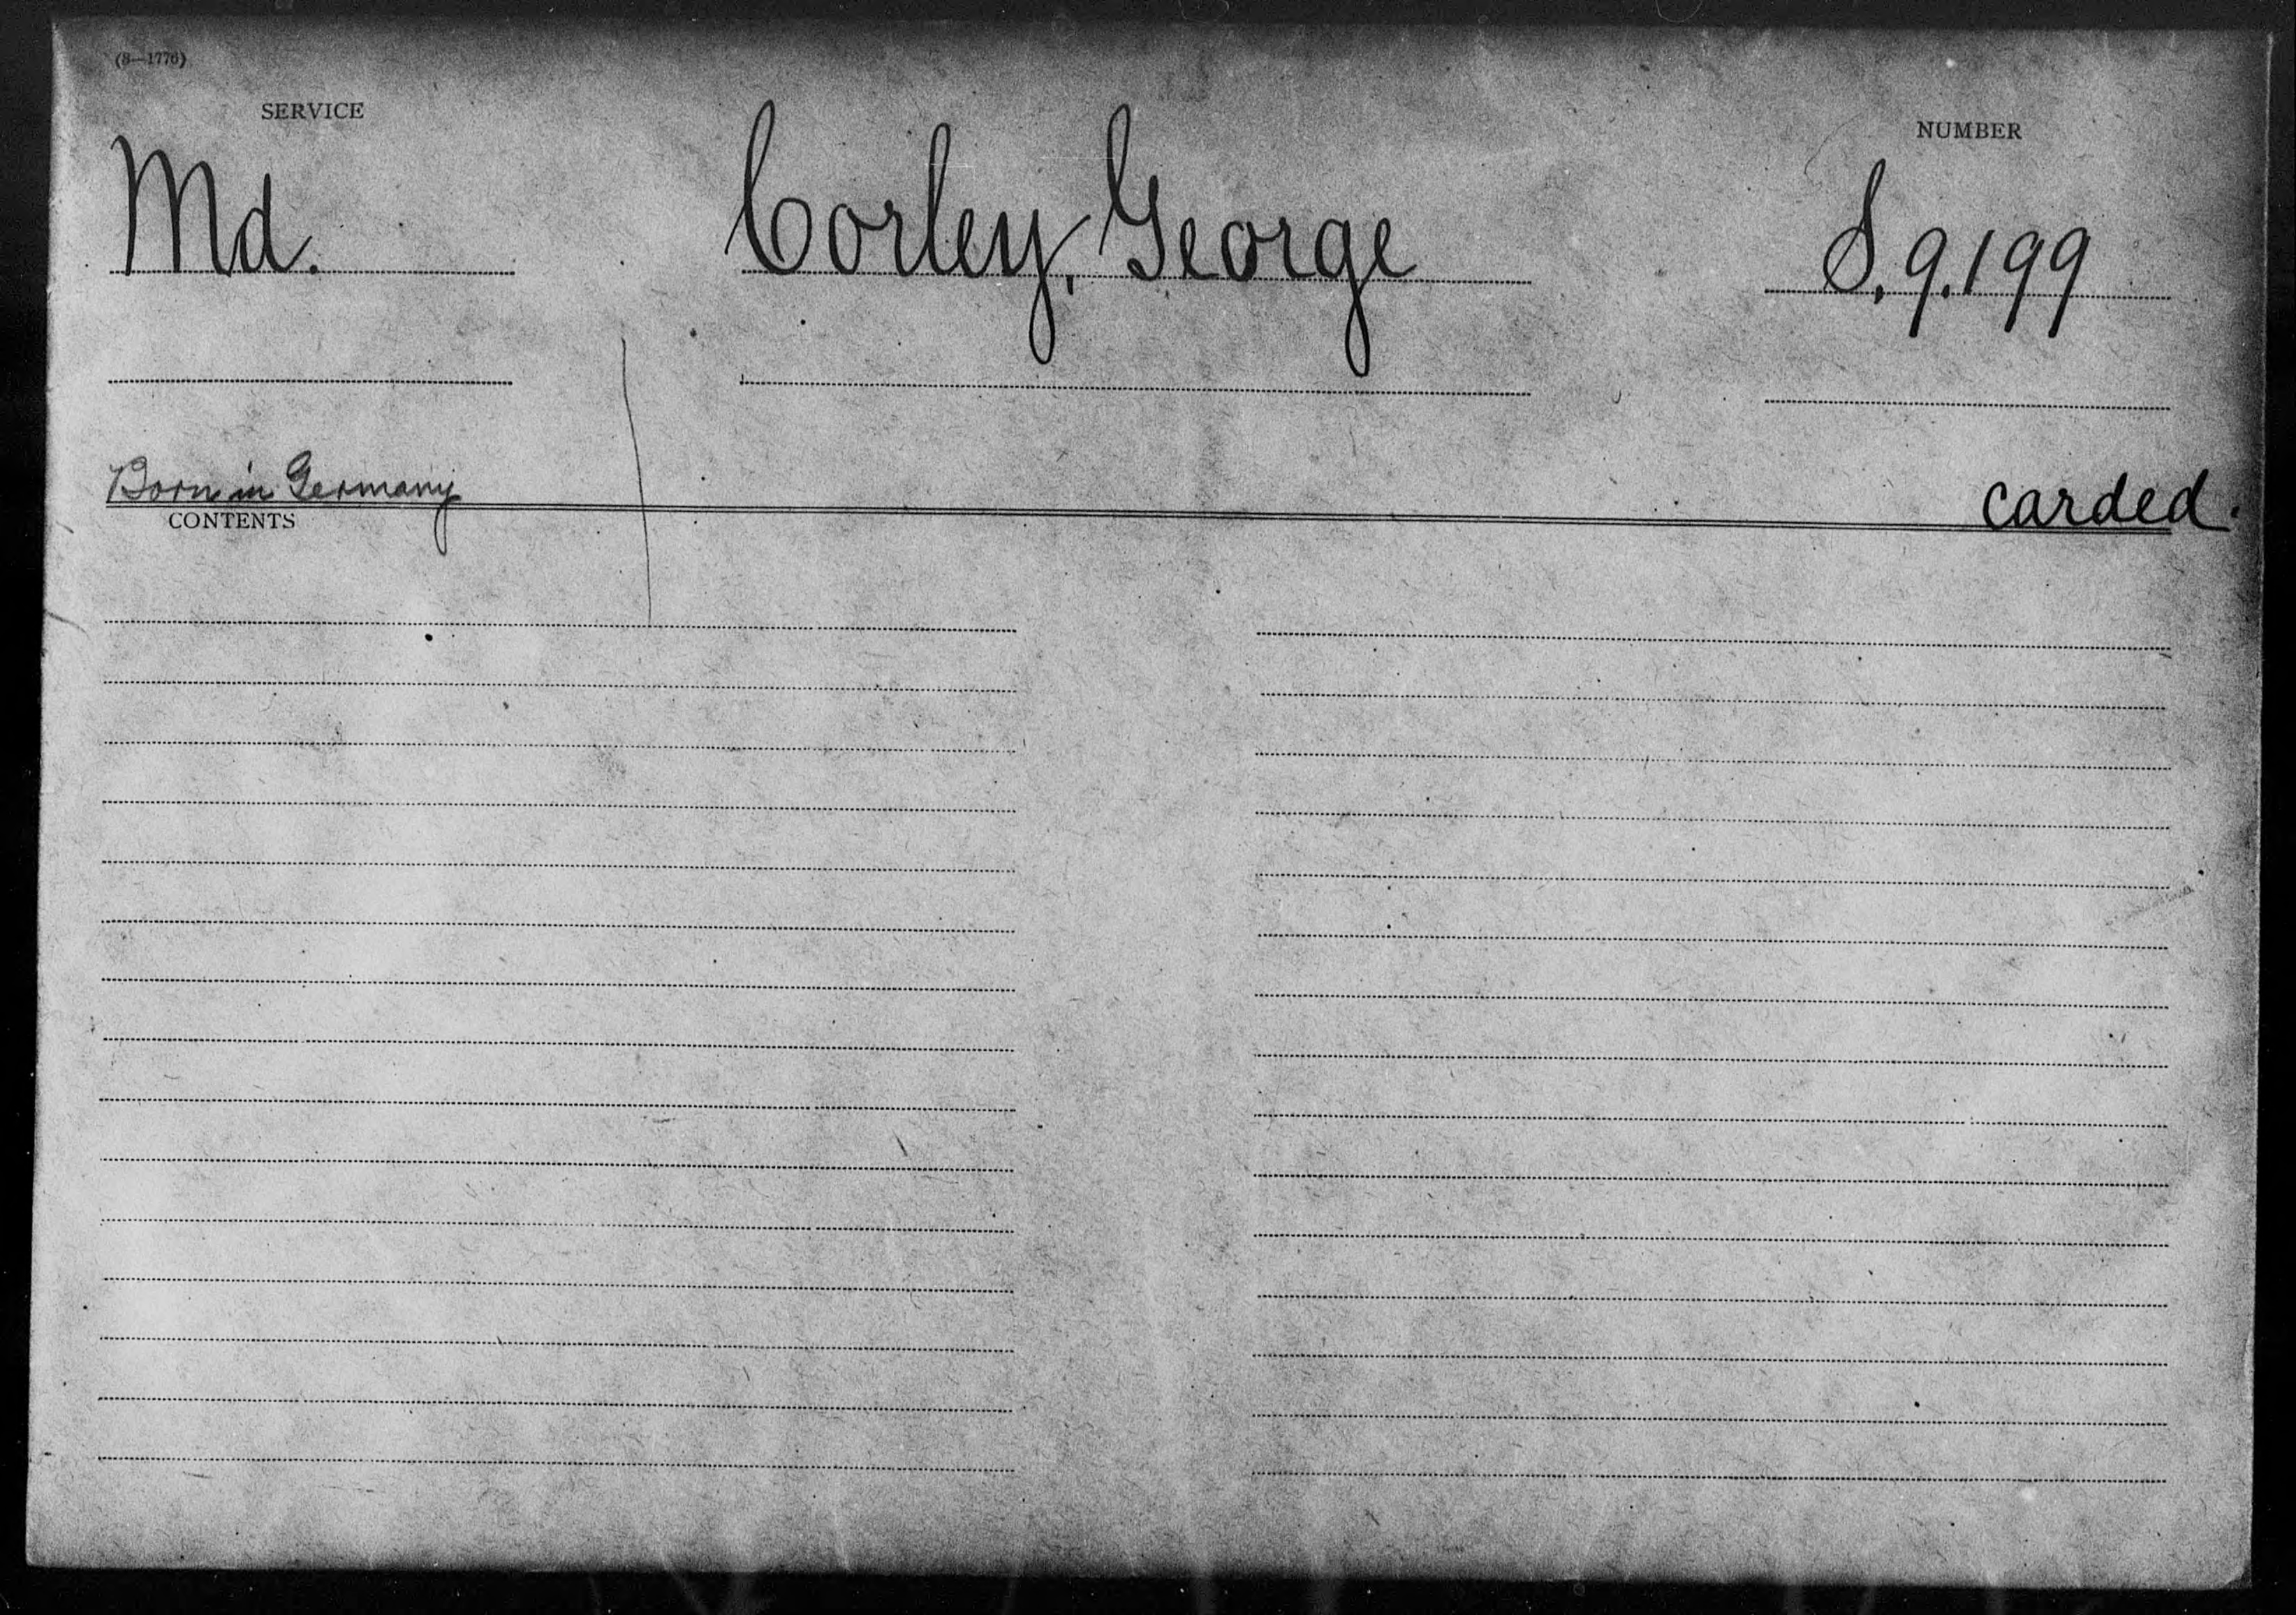(8-1776)

SERVICE NUMBER
Md | Corley, George | S, 9,199 |
Born in Germany___________________carded
CONTENTS
[tow columns of lines; all blank]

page: 1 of 22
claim: survivor's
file: S. 9,199, George Corley, Md.